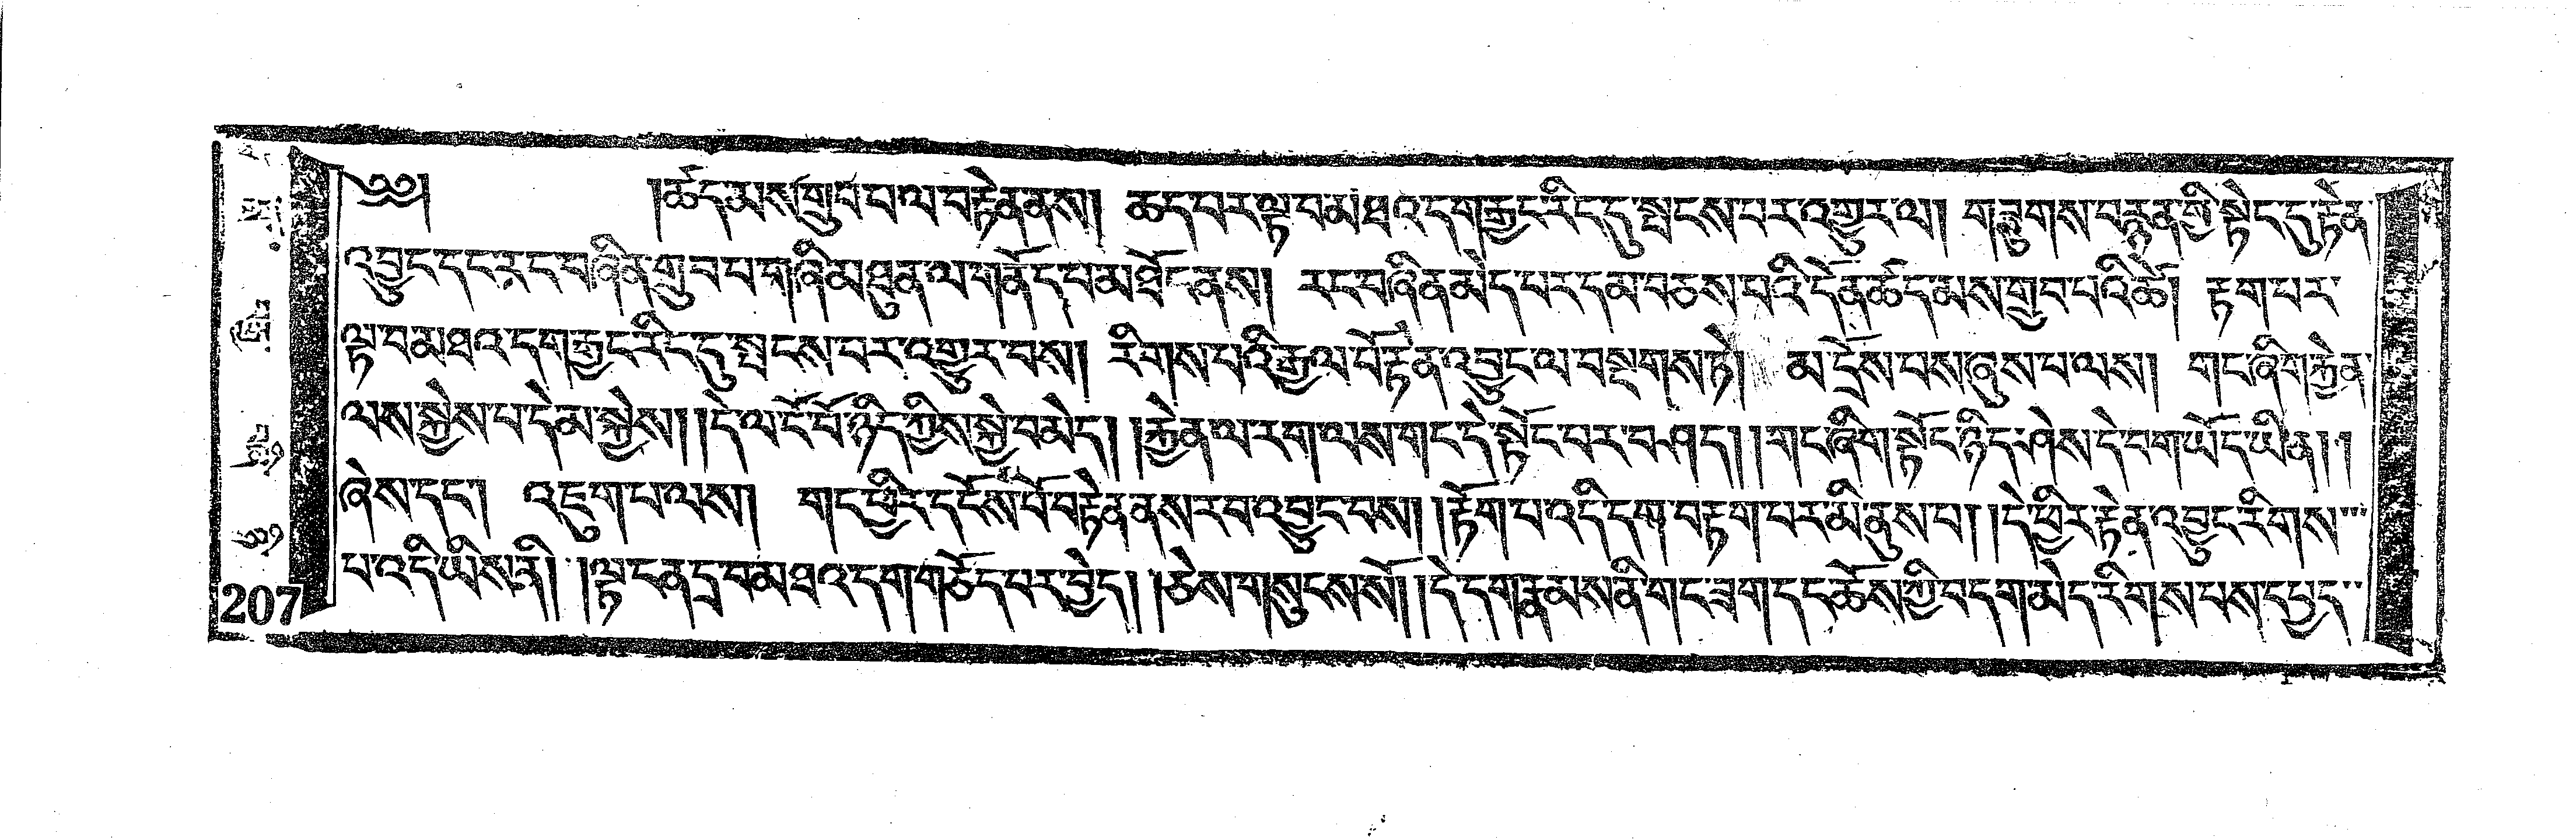༄༅། །ཚད་མས་གྲུབ་པ་ལ་བརྟེན་ནས། ཆད་པར་ལྟ་བ་མཐའ་དག་རྒྱང་རིང་དུ་སྤངས་པར་འགྱུར་ལ། གཟུགས་བརྙན་གྱི་སྟེང་དུ་རྟེན་
འབྱུང་དང་རང་བཞིན་གྲུབ་པ་གཞི་མཐུན་ལ་གནོད་པ་མཐོང་ནས། རང་བཞིན་མེད་པར་དམ་བཅས་པའི་དོན་ཚད་མས་གྲུབ་པའི་ཚེ། རྟག་པར་
ལྟ་བ་མཐའ་དག་རྒྱང་རིང་དུ་སྤངས་པར་འགྱུར་བས། རིགས་པའི་རྒྱལ་པོ་རྟེན་འབྱུང་ལ་བསྔགས་ཏེ། མ་དྲོས་པས་ཞུས་པ་ལས། གང་ཞིག་རྐྱེན་
ལས་སྐྱེས་པ་དེ་མ་སྐྱེས། །དེ་ལ་ངོ་བོ་ཉིད་ཀྱིས་སྐྱེ་བ་མེད། །རྐྱེན་ལ་རག་ལས་གང་དེ་སྟོང་པར་བཤད། །གང་ཞིག་སྟོང་ཉིད་ཤེས་དེ་བག་ཡོད་ཡིན། །
ཞེས་དང་། འཇུག་པ་ལས། གང་ཕྱིར་དངོས་པོ་བརྟེན་ནས་རབ་འབྱུང་བས། །རྟོག་པ་འདི་དག་བརྟག་པར་མི་ནུས་པ། །དེ་ཕྱིར་རྟེན་འབྱུང་རིགས་
པ་འདི་ཡིས་ནི། །ལྟ་ངན་དྲ་བ་མཐའ་དག་གཅོད་པར་བྱེད། །ཅེས་གསུངས་སོ། །དེ་དག་རྣམས་ནི་གང་ཟག་དང་ཆོས་ཀྱི་བདག་མེད་རིགས་པས་དཔྱད་